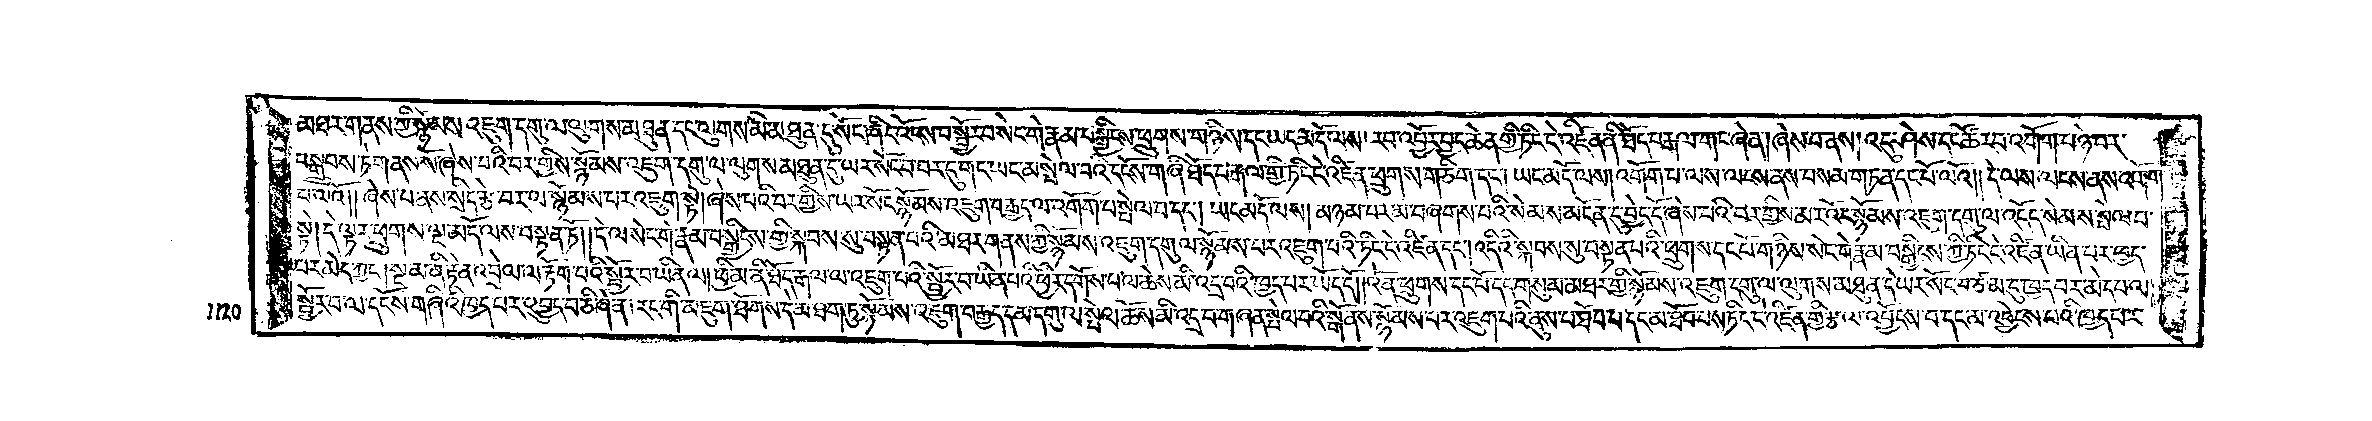མཐར་གནས་ཀྱི་སྙོམས་འཇུག་དགུ་ལ་ལུགས་མཐུན་དང་ལུགས་མི་མཐུན་དུ་སོང་ཞིང་འོངས་པ་སྦྱོར་བ་སེང་གེ་རྣམ་པ་བསྒྱིངས་ཕྲུགས་གཉིས་དང་ཡང་མདོ་ལས། རབ་འབྱོར་བྱང་ཆེན་གྱི་ཏིང་ངེ་འཛིན་ནི་ཐོད་བརྒལ་གང་ཞེ་ན། ཞེས་པ་ནས། འདུ་ཤེས་དང་ཚོར་བ་འགོག་པ་ཉེ་བར་
བསྒྲུབས་ཏེ་གནས་སོ་ཞེས་པའི་བར་གྱིས་སྙོམས་འཇུག་དགུ་ལ་ལུགས་མཐུན་དུ་ཡར་སོང་བ་བར་དུ་གང་ཡང་མ་སྤེལ་བའི་དངོས་གཞི་ཐོད་པ་རྒལ་གྱི་ཏིང་ངེ་འཛིན་ཕྲུགས་གཅིག་དང་། ཡང་མདོ་ལས། འགོག་པ་ལས་ལངས་ནས་བསམ་གཏན་དང་པོ་ལའོ། །དེ་ལས་ལངས་ནས་འགོག་
པ་ལའོ། །ཞེས་པ་ནས་སྲིད་རྩེ་བར་ལ་སྙོམས་པར་འཇུག་སྟེ། ཞེས་པའི་བར་གྱིས་ཡར་སོང་སྙོམས་འཇུག་བརྒྱད་ལ་འགོག་པ་སྤེལ་བ་དང་། ཡང་མདོ་ལས། མཉམ་པར་མ་བཞགས་པའི་སེམས་མངོན་དུ་བྱེད་དོ་ཞེས་པའི་བར་གྱིས་མར་འོང་སྙོམས་འཇུག་དགུ་ལ་འདོད་སེམས་སྤེལ་བ་
སྟེ། དེ་ལྟར་ཕྲུགས་ལྔ་མདོ་ལས་བསྟན་ཏོ། །དེ་ལ་སེང་གེ་རྣམ་བསྒྱིངས་གྱི་སྐབས་སུ་བསྟན་པའི་མཐར་གནས་ཀྱི་སྙོམས་འཇུག་དགུ་ལ་སྙོམས་པར་འཇུག་པའི་ཏིང་ངེ་འཛིན་དང་། འདིའི་སྐབས་སུ་བསྟན་པའི་ཕྲུགས་དང་པོ་གཉིས་སེང་གེ་རྣམ་བསྒྱིངས་ཀྱི་རིང་ངེ་འཛིན་ཡིན་པར་ཁྱད་
པར་མེད་ཀྱང་། སྔ་མ་ནི་རྟེན་འབྲེལ་ལ་རྟོག་པའི་སྦྱོར་བ་ཡིན་ལ། ཕྱི་མ་ནི་ཐོད་རྒལ་ལ་འཇུག་པའི་སྦྱོར་བ་ཡིན་པའི་ཕྱིར་དགོས་པ་ལ་ཆེས་མི་འདྲ་བའི་ཁྱད་པར་ཡོད་དོ། །འོ་ན་ཕྲུགས་དང་པོ་དང་གསུམ་མཐར་གྱི་སྙོམས་འཇུག་དགུ་ལ་ལུགས་མཐུན་དེ་ཡར་སོང་བ་ཙམ་དུ་ཁྱད་པར་མེད་པ་ལ།
སྦྱོར་བ་ལ་དངོས་གཞིའི་ཁྱད་པར་འབྱུང་བ་ཅི་ཞེ་ན། རང་གི་མཇུག་ཐོགས་དེ་མ་ཐག་ཏུ་སྙོམས་འཇུག་བརྒྱད་དམ་དགུ་ལ་སྤེལ་ཆོས་མི་འདྲ་བ་གཞན་སྤེལ་བའི་སྒོ་ནས་སྙོམས་པར་འཇུག་པའི་ནུས་པ་ཐོབ་པ་དང་མ་ཐོབ་པས་ཏིང་ངེ་འཛིན་གྱི་རྩལ་འབྱོངས་པ་དང་མ་འབྱོངས་པའི་ཁྱད་པ་